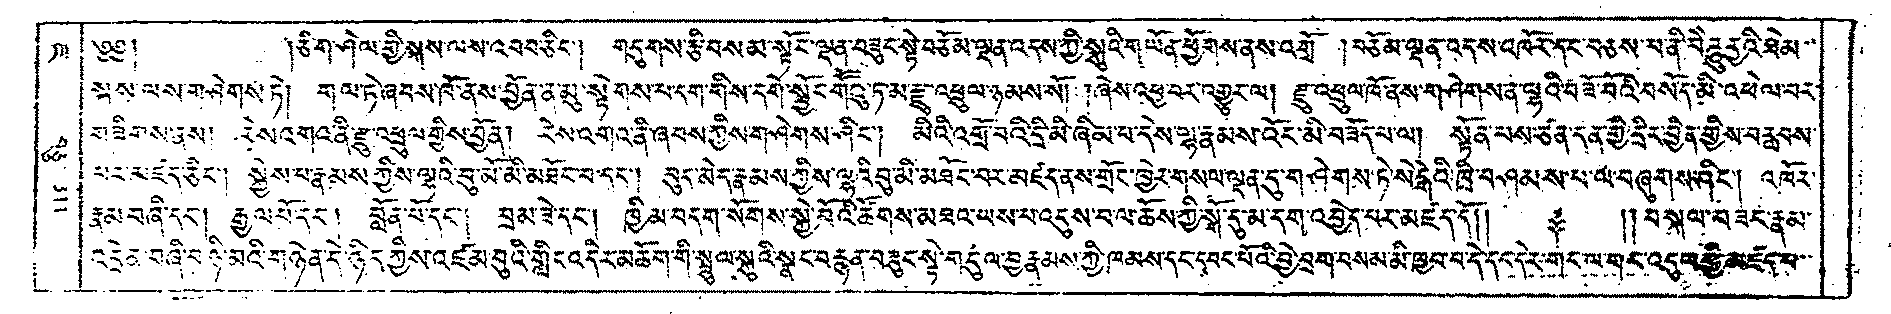༄༅། །ཅིག་ཤེལ་གྱི་སྐས་ལས་འབབ་ཅིང་། གདུགས་རྩིབས་མ་སྟོང་ལྡན་བཟུང་སྟེ་བཅོམ་ལྡན་འདས་ཀྱི་སྐུའི་གཡོན་ཕྱོགས་ནས་འགྲོ་།བཅོམ་ལྡན་འདས་འཁོར་དང་བཅས་པ་ནི་བཻ་ཌཱུ་རྱའི་ཐེམ་
སྐས་ལས་གཤེགས་ཏེ། གལ་ཏེ་ཞབས་ཁོ་ནས་བྱོན་ན་མུ་སྟེགས་པ་དག་གིས་དགེ་སྦྱོང་གཽའུ་ཏ་མ་རྫུ་འཕྲུལ་ཉམས་སོ། །ཞེས་འཕྱ་བར་འགྱུར་ལ། རྫུ་འཕྲུལ་ཁོ་ནས་གཤེགས་ན་ལྷའི་བཟོ་བོའི་བསོད་མི་འཕེལ་བར་
གཟིགས་ནས། རེས་འགའ་ནི་རྫུ་འཕྲུལ་གྱིས་བྱོན། རེས་འགའ་ནི་ཞབས་ཀྱིས་གཤེགས་ཤིང་། མིའི་འགྲོ་བའི་དྲི་མི་ཞིམ་པ་དེས་ལྷ་རྣམས་འོང་མི་བཟོད་པ་ལ། སྟོན་པས་ཙན་དན་གྱི་དྲིར་བྱིན་གྱིས་བརླབས་
པར་མཛད་ཅིང་། སྐྱེས་པ་རྣམས་ཀྱིས་ལྷའི་བུ་མོ་མི་མཐོང་བ་དང་། བུད་མེད་རྣམས་ཀྱིས་ལྷའི་བུ་མི་མཐོང་བར་མཛད་ནས་གྲོང་ཁྱེར་གསལ་ལྡན་དུ་གཤེགས་ཏེ་སེངྒེའི་ཁྲི་བཤམས་པ་ལ་བཞུགས་ཤིང་། འཁོར་
རྣམ་བཞི་དང་། རྒྱལ་པོ་དང་། བློན་པོ་དང་། བྲམ་ཟེ་དང་། ཁྱིམ་བདག་སོགས་སྐྱེ་བོའི་ཚོགས་མཐའ་ཡས་པ་འདུས་པ་ལ་ཆོས་ཀྱི་སྒོ་དུ་མ་དག་འབྱེད་པར་མཛད་དོ།། ༈ །།བསྐལ་བཟང་རྣམ་
འདྲེན་བཞི་པ་ཉི་མའི་གཉེན་དེ་ཉིད་ཀྱིས་འཛམ་བུའི་གླིང་འདིར་མཆོག་གི་སྤྲུལ་སྐུའི་སྣང་བརྙན་བཟུང་སྟེ་གདུལ་བྱ་རྣམས་ཀྱི་ཁམས་དང་དབང་པོའི་བྱེ་བྲག་བསམ་མི་ཁྱབ་པ་དེ་དང་དེར་གང་ལ་གང་འདུལ་གྱི་མཛད་པ་